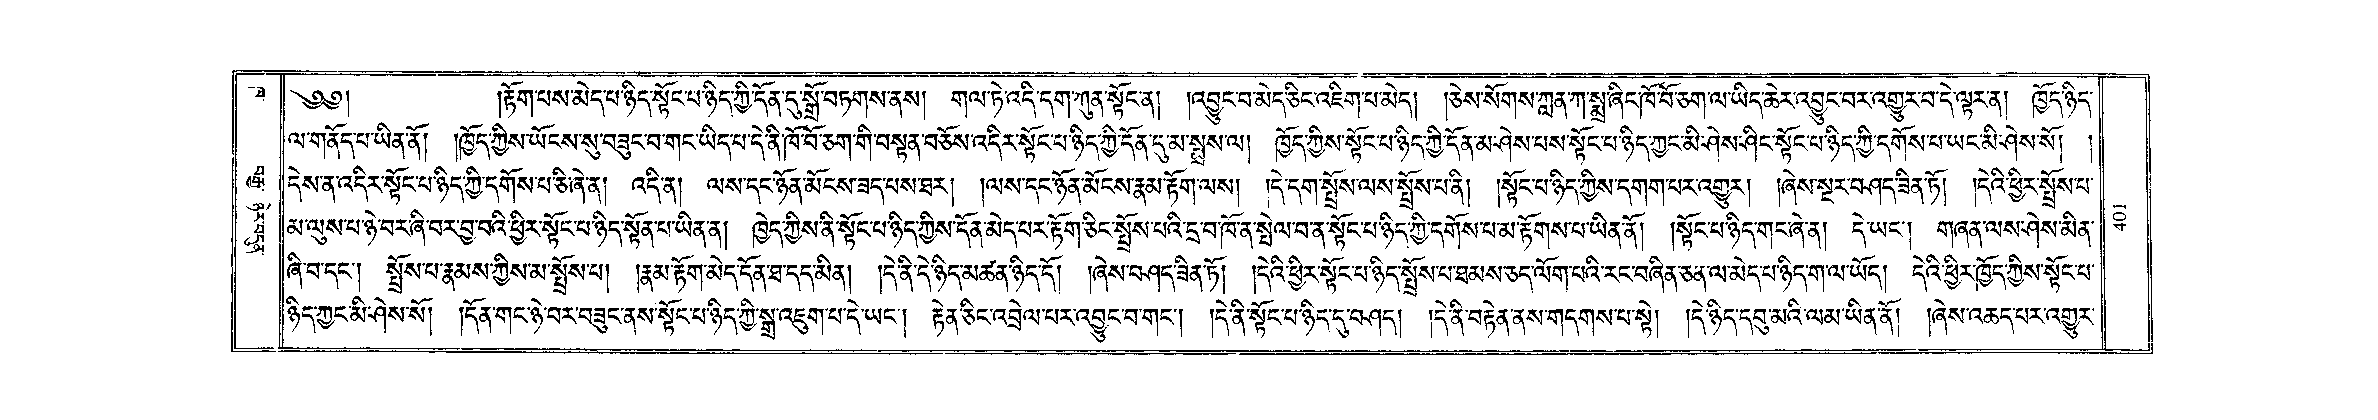༄༅། །རྟོག་པས་མེད་པ་ཉིད་སྟོང་པ་ཉིད་ཀྱི་དོན་དུ་སྒྲོ་བཏགས་ནས། གལ་ཏེ་འདི་དག་ཀུན་སྟོང་ན། །འབྱུང་བ་མེད་ཅིང་འཇིག་པ་མེད། །ཅེས་སོགས་ཀླན་ཀ་སྨྲ་ཞིང་ཁོ་བོ་ཅག་ལ་ཡིད་ཆེར་འབྱུང་བར་འགྱུར་བ་དེ་ལྟར་ན། ཁྱོད་ཉིད་
ལ་གནོད་པ་ཡིན་ནོ། །ཁྱོད་ཀྱིས་ཡོངས་སུ་བཟུང་བ་གང་ཡིད་པ་དེ་ནི་ཁོ་བོ་ཅག་གི་བསྟན་བཅོས་འདིར་སྟོང་པ་ཉིད་ཀྱི་དོན་དུ་མ་སྨྲས་ལ། ཁྱོད་ཀྱིས་སྟོང་པ་ཉིད་ཀྱི་དོན་མ་ཤེས་པས་སྟོང་པ་ཉིད་ཀྱང་མི་ཤེས་ཤིང་སྟོང་པ་ཉིད་ཀྱི་དགོས་པ་ཡང་མི་ཤེས་སོ། །
དེས་ན་འདིར་སྟོང་པ་ཉིད་ཀྱི་དགོས་པ་ཅི་ཞེ་ན། འདི་ན། ལས་དང་ཉོན་མོངས་ཟད་པས་ཐར། །ལས་དང་ཉོན་མོངས་རྣམ་རྟོག་ལས། །དེ་དག་སྤྲོས་ལས་སྤྲོས་པ་ནི། །སྟོང་པ་ཉིད་ཀྱིས་དགག་པར་འགྱུར། །ཞེས་སྔར་བཤད་ཟིན་ཏོ། །དེའི་ཕྱིར་སྤྲོས་པ་
མ་ལུས་པ་ཉེ་བར་ཞི་བར་བྱ་བའི་ཕྱིར་སྟོང་པ་ཉིད་སྟོན་པ་ཡིན་ན། ཁྱེད་ཀྱིས་ནི་སྟོང་པ་ཉིད་ཀྱིས་དོན་མེད་པར་རྟོག་ཅིང་སྤྲོས་པའི་དྲ་བ་ཁོ་ན་སྤེལ་བ་ན་སྟོང་པ་ཉིད་ཀྱི་དགོས་པ་མ་རྟོགས་པ་ཡིན་ནོ། །སྟོང་པ་ཉིད་གང་ཞེ་ན། དེ་ཡང་། གཞན་ལས་ཤེས་མིན་
ཞི་བ་དང་། སྤྲོས་པ་རྣམས་ཀྱིས་མ་སྤྲོས་པ། །རྣམ་རྟོག་མེད་དོན་ཐ་དད་མིན། །དེ་ནི་དེ་ཉིད་མཚན་ཉིད་དོ། །ཞེས་བཤད་ཟིན་ཏོ། །དེའི་ཕྱིར་སྟོང་པ་ཉིད་སྤྲོས་པ་ཐམས་ཅད་ལོག་པའི་རང་བཞིན་ཅན་ལ་མེད་པ་ཉིད་ག་ལ་ཡོད། དེའི་ཕྱིར་ཁྱོད་ཀྱིས་སྟོང་པ་
ཉིད་ཀྱང་མི་ཤེས་སོ། །དོན་གང་ཉེ་བར་བཟུང་ནས་སྟོང་པ་ཉིད་ཀྱི་སྒྲ་འཇུག་པ་དེ་ཡང་། རྟེན་ཅིང་འབྲེལ་པར་འབྱུང་བ་གང་། །དེ་ནི་སྟོང་པ་ཉིད་དུ་བཤད། །དེ་ནི་བརྟེན་ནས་གདགས་པ་སྟེ། །དེ་ཉིད་དབུ་མའི་ལམ་ཡིན་ནོ། །ཞེས་འཆད་པར་འགྱུར་